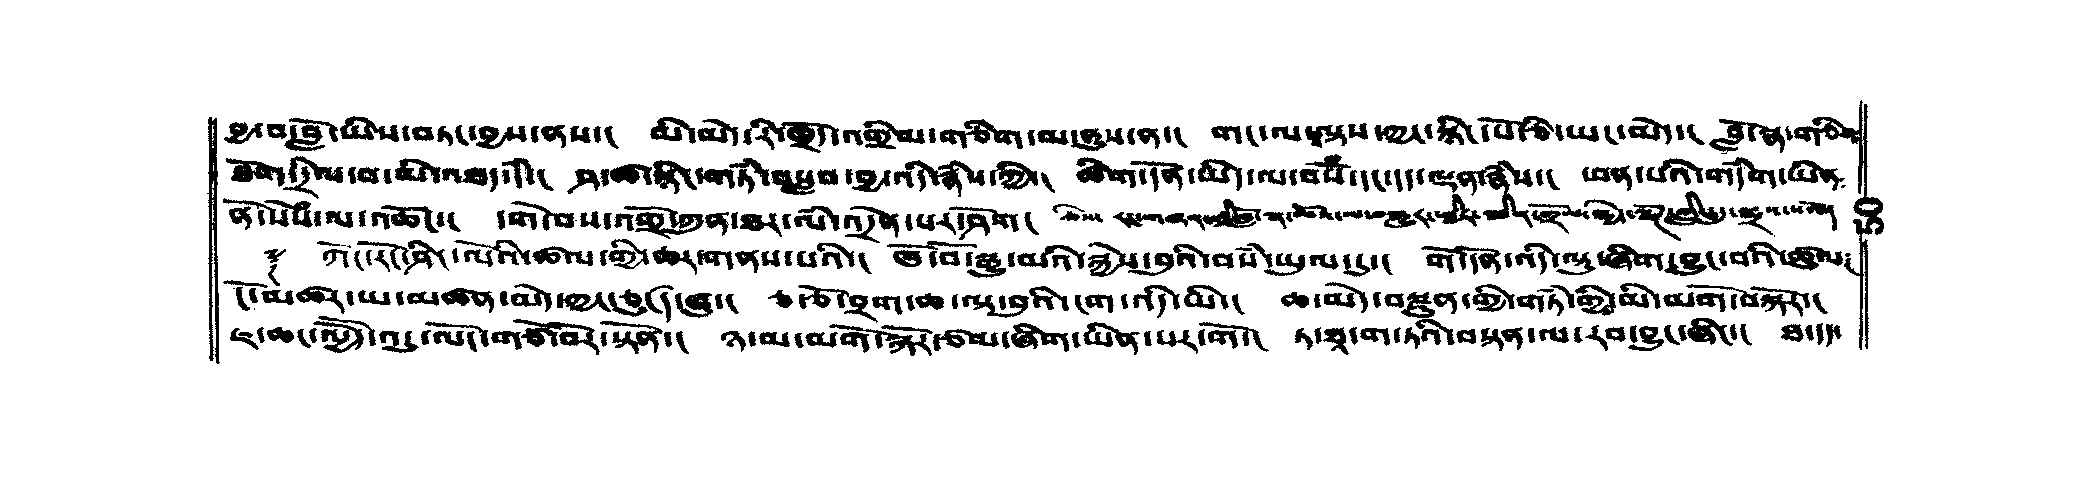བྱ་བ་བློ་ཡིས་བཏང་བྱས་ནས། །མི་མེད་རི་ཁྲོད་འགྲིམ་གཅིག་མ་ནུས་ན། །གང་ལ་བལྟས་ཀྱང་སྙིང་པོ་ཅི་ཡང་མེད། །བློ་སྣ་གཅིག་
ཐོག་དྲིལ་བ་མི་འཐད་དམ། །ཤ་ཚ་སྙིང་གཏམ་བསླབ་བྱ་འདི་རྣམས་ཀྱི། །ཚིག་དོན་ཡིད་ལ་བསམ་དང་དད་ལྡན་རྣམས། །ཕན་པའི་གདམས་ངག་ཡིན་
ནོ་སྙིང་ལ་འཆོང་། །དགེ་བས་འགྲོ་ཀུན་ཐར་ལམ་འདྲེན་པར་ཤོག ཅེས་རང་གཞན་གྱི་བློ་སྣ་ཆོས་ལ་བསྒྱུར་ཕྱིར་སྨིན་གྲོལ་བསྐྱེད་རྫོགས་གླིང་དུ་སྨྲས་པའོ།། 
༈ ཀོང་རོང་ཤིང་ལོའི་ཚལ་གྱི་ཆར་གནས་པའི། །ཁོ་བོ་སྒྱུ་མའི་སྐྱེས་བུའི་བསམ་ཡུལ་དུ། །གོ་དོན་འདི་ལྟ་བུ་ཞིག་བྱུང་བའི་ཚུལ། །
ངོ་མཚར་ཡ་མཚན་མེད་ཀྱང་ཅུང་ཟད་ཞུ། །ཅ་ཅོ་བྲག་ཆ་ལྟ་བུའི་ངག་འདི་ཡི། །ཆ་མེད་བརྗུན་གྱི་གཏམ་གྱིས་མི་མགོ་བསྐོར། །
ཇ་ཆང་ལོངས་སྤྱོད་འདུ་ལོང་གཙོ་བོར་སྟོན། །ཉ་མོ་མགོ་སྐོར་ཙམ་ཞིག་ཡིན་པར་གོ། །ཏ་ཐཱ་ག་ཏའི་བསྟན་ལ་རབ་བྱུང་ཞིང་། །ཐ་དད་